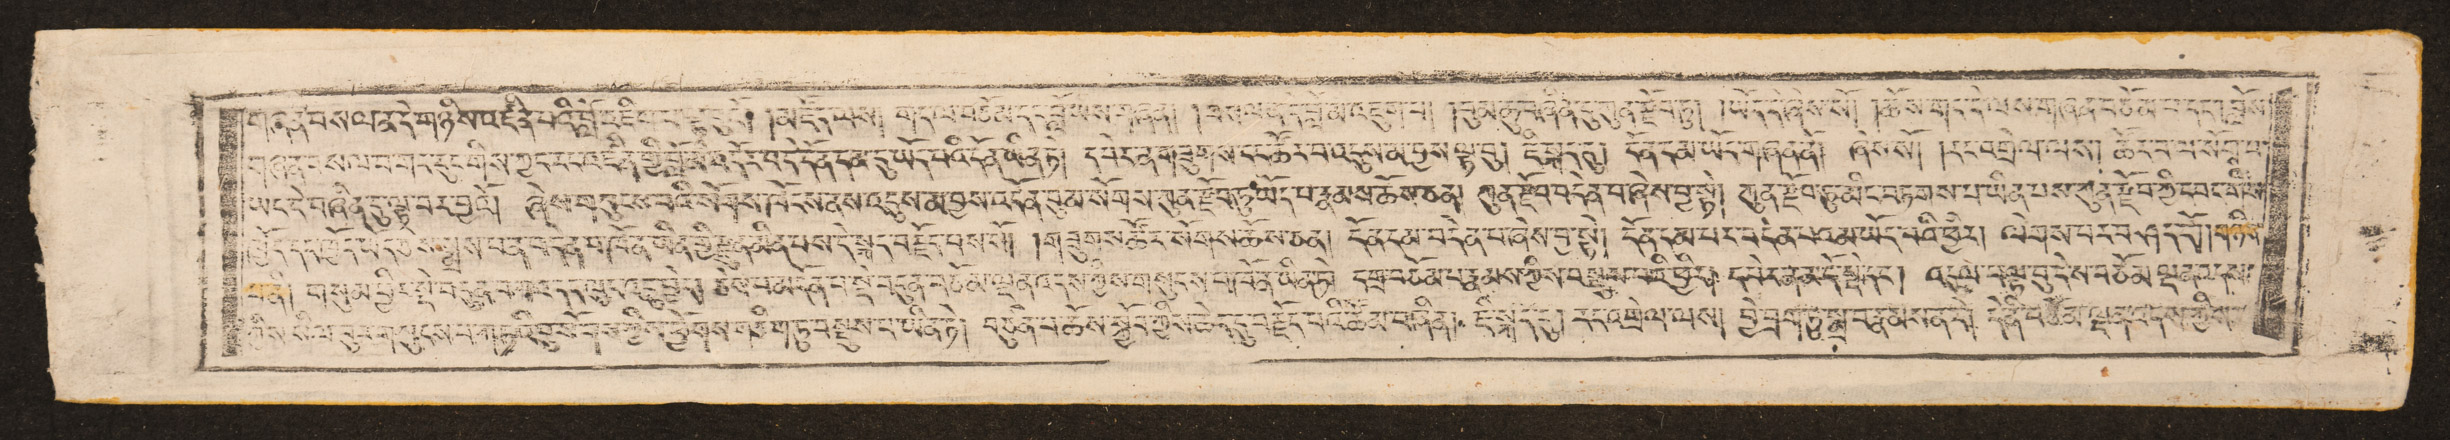གཞན་བསལ་ན་དེ་གཉིས་འཛིན་པའི་བློ་འཇིག་པ་ལྟ་བུའོ། །མཛོད་ལས། གང་ལ་བཅོམ་དད་བློ་ཡིས་གཞན། །བསལ་ན་དེ་བློ་མི་འཇུག་པ། །བུམ་ཆུ་བཞིན་དུ་ཀུན་རྫོབ་ཏུ། །ཡོད་དེ་ཞེས་སོ། །ཆོས་གང་དེ་ལས་གཞན་བཅོམ་པ་དང་། བློས་
གཞན་བསལ་བ་གང་རུང་གིས་ཀྱང་རང་འཛིན་གྱི་བློ་མི་འདོར་བདེ་དོན་དམ་དུ་ཡོད་པའི་དོན་ཡིན་ཏེ། དཔེར་ན་གཟུགས་དང་ཚོར་བ་འདུས་མ་བྱས་ལྟ་བུ། ཇི་སྐད་དུ། དོན་དམ་ཡོད་གཞན་ནོ། ཞེས་སོ། །རང་འགྲེལ་ལས། ཚོར་བ་ལ་སོགས་པ་
ཡང་དེ་བཞིན་དུ་ལྟ་བར་བྱའོ། ཞེས་གསུངས་པའི་སོགས་ཁོངས་ནས་འདུས་མ་བྱས་འདོན་བུམ་སོགས་ཀུན་རྫོབ་ཏུ་ཡོད་པ་རྣམས་ཆོས་ཅན། ཀུན་རྫོབ་བདེན་པ་ཞེས་བྱ་སྟེ། ཀུན་རྫོབ་ཏུ་མིང་བཏགས་པ་ཡིན་པས་ཀུན་རྫོབ་ཀྱི་དབང་གིས་
ཁྱོད་དང་ཁྱོད་ཡོད་ཅེས་སྨྲས་པ་ན་བདེན་པ་ཁོ་ན་ཡིན་གྱི་རྫུན་མིན་པས་དེ་སྐད་བརྗོད་པས་སོ། །གཟུགས་ཚོར་སོགས་ཆོས་ཅན། དོན་དམ་བདེན་པ་ཞེས་བྱ་སྟེ། དོན་དམ་པར་བདེན་པའམ་ཡོད་པའི་ཕྱིར། ལེགས་པར་བཤད་དོ། །གཉིས་
པ་ནི། གསུམ་ཕྱིར་སྡེ་བདུན་བཀའ་དང་ལུད་འདུ་བྱེད། ཅེས་པ་མདོན་པ་སྡེ་བདུན་བཅོམ་ལྡན་འདས་ཀྱིས་གསུངས་པ་ཁོ་ན་ཡིན་ཏེ། དགྲ་བཅོམ་པ་རྣམས་ཀྱིས་བསྡུས་པའི་ཕྱིར། དཔེར་ན་མདོ་སྡེ་དང་། འདུལ་པ་ལྟ་བུ་དེས་བཅོམ་ལྡན་འདས་
ཀྱིས་སིལ་བུར་གསུངས་པ་ཀ་ཏའི་བུ་སོགས་ཀྱིས་ཕྱོགས་གཅིག་ཏུ་བསྡུས་པ་ཡིན་ཏེ། བཙུན་པ་ཆོས་སྐྱོབ་ཀྱིས་ཆེད་དུ་བརྗོད་པའི་ཚོམ་བཞིན། ཇི་སྐད་དུ། རང་འགྲེལ་ལས། བྱེ་བྲག་ཏུ་སྨྲ་བ་རྣམས་ན་རེ། དེ་ནི་བཅོམ་ལྡན་འདས་ཀྱིས་